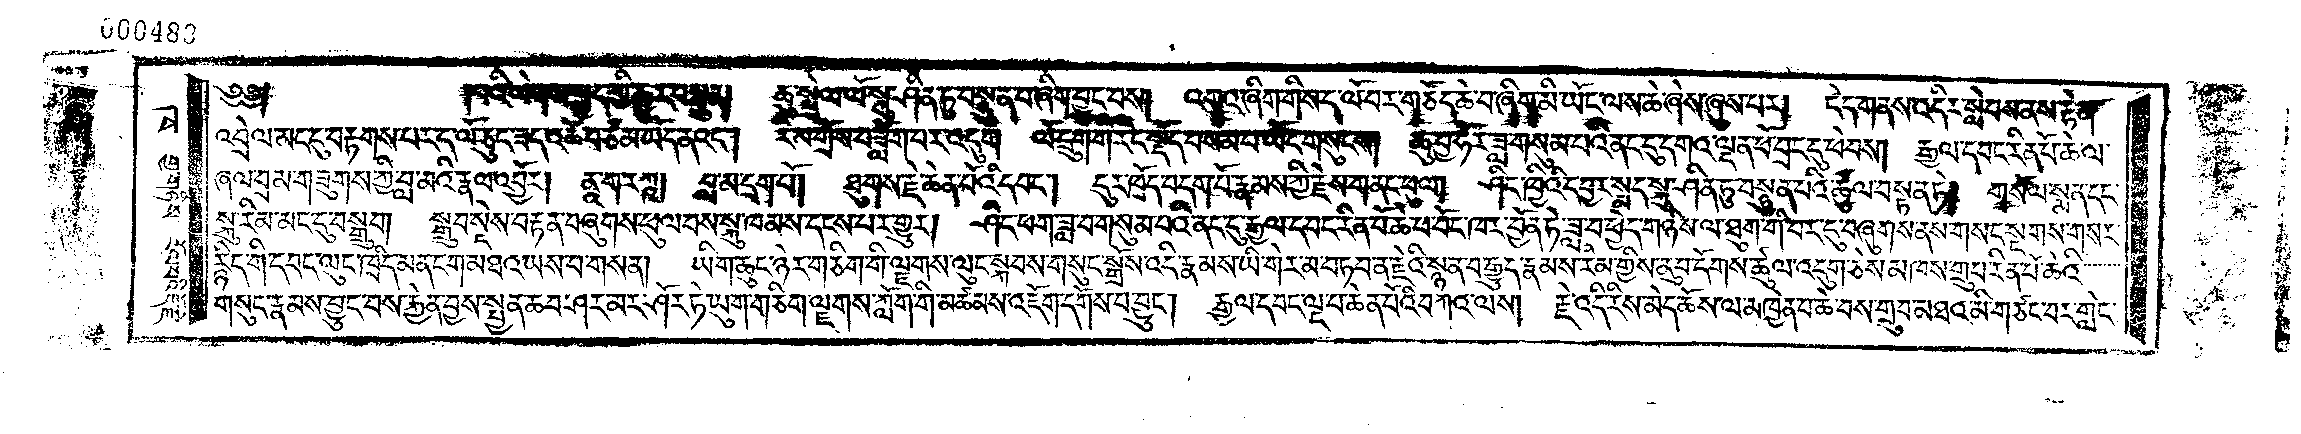༄༅། །བའི་ལེགས་སྤྱད་ཀྱི་རྒྱུར་བསྐྲུན། ཆུ་སྤྲེལ་ལོ་སྐུ་ཤིན་ཏུ་བསྙུན་པ་ཞིག་བྱུང་བས། འགའ་ཞིག་གིས་ད་ལོ་བར་གཙོད་ཆེ་བ་ཞིག་མི་ཡོང་ལས་ཆེ་ཞེས་ཞུས་པར། ངེད་གནས་འདིར་སླེབས་ནས་རྟེན་
འབྲེལ་མང་དུ་བརྟགས་པར་ད་ལོ་ཅུང་ཟད་འཚེ་བ་ཙམ་ཡོད་ནའང་། རིམ་གྲོས་བཟློག་བར་འདུག་ལོ་དྲུག་གི་རིང་སྡོད་བསམ་པ་ཡོད་གསུངས། ཆུ་བྱ་ཧོར་ཟླ་གསུམ་པའི་ནང་དུ་དགའ་ལྡན་ཕོ་བྲང་དུ་ཕེབས། རྒྱལ་དབང་རིན་པོ་ཆེ་ལ་
ཞལ་བྲམ་གཟུགས་ཀྱི་བླ་མའི་རྣལ་འབྱོར། ནཱ་ག་ར་ཀྵ། བླ་མ་དྲག་པོ། ཐུགས་རྗེ་ཆེན་པོའི་དབང་། དུར་ཁྲོད་བདག་པོ་རྣམས་ཀྱི་རྗེས་གནང་ཕུལ། ཤིང་ཁྱིའི་དབྱར་སྨད་སྐུ་ཤིན་ཏུ་བསྙུན་པའི་ཚུལ་བསྟན་ཏེ། གསོལ་སྨན་དང་
སྐུ་རིམ་མང་དུ་བསྒྲུབ། སྒྲུབ་སྡེས་བརྟན་བཞུགས་ཕུལ་བས་སྐུ་ཁམས་དངས་པར་གྱུར། ཤིང་ཕག་ཟླ་བ་གསུམ་བའི་ནང་དུ་རྒྱལ་དབང་རིན་པོ་ཆེ་ཕ་བོང་ཁར་བྱོན་ཏེ་ཟླ་བ་ཕྱེད་གཉིས་ལ་ཐུག་གི་བར་དུ་བཞུགས་ནས་གསང་སྔགས་གསར་
རྙིང་གི་དབང་ལུང་ཁྲིད་མན་ངག་མཐའ་ཡས་པ་གསན། ཡིག་ཆུང་ཉེར་གཅིག་གི་ལྗགས་ལུང་སྐབས་གསུང་སྒྲོས་འདི་རྣམས་ཡི་གེར་མ་བཏབ་ན་རྗེའི་སྙན་བརྒྱུད་རྣམས་རིམ་གྱིས་ནུབ་དོགས་ཚུལ་འདུག་ཅེས་མཁས་གྲུབ་རིན་པོ་ཆེའི་
གསུང་རྣམས་བྱུང་བས་རྐྱེན་བྱས་སྤྱན་ཆབ་ཤར་མར་ཤོར་ཏེ་ཡུག་གཅིག་ལྗགས་ཀློག་གི་མཚམས་འཇོག་དགོས་པ་བྱུང་། རྒྱལ་དབང་ལྔ་པ་ཆེན་པོའི་བཀའ་ལས། རྗེ་འདི་རིས་མེད་ཆོས་ལ་མཁྱེན་པ་ཆེ་བས་གྲུབ་མཐའ་མི་གཙང་བར་གླེང་